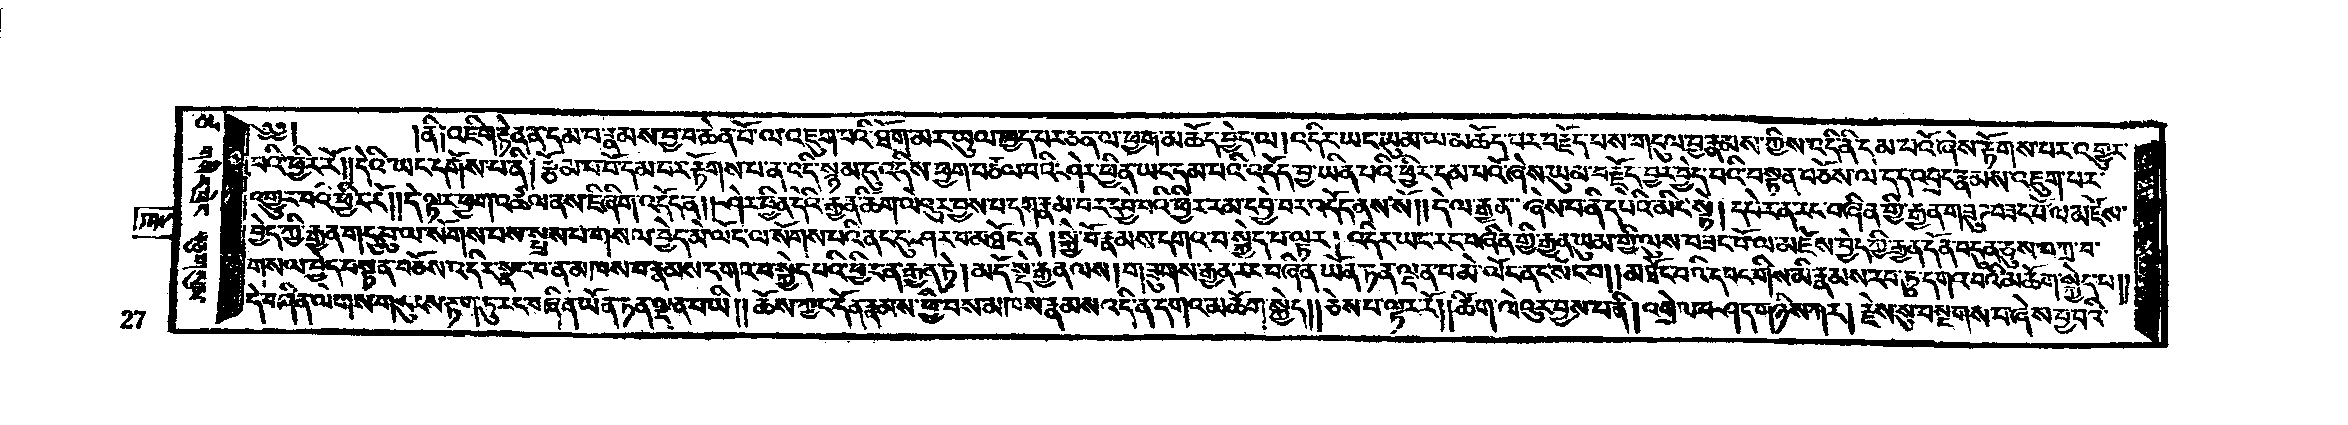༄༅། །ནི། འཇིག་རྟེན་ན་དམ་པ་རྣམས་བྱ་བ་ཆེན་པོ་ལ་འཇུག་པའི་ཐོག་མར་ཡུལ་ཁྱད་པར་ཅན་ལ་ཕྱག་མཆོད་བྱེད་ལ། འདིར་ཡང་ཡུམ་ལ་མཆོད་པར་བརྗོད་པས་གདུལ་བྱ་རྣམས་ཀྱིས་འདི་ནི་དམ་པའོ་ཞེས་རྟོགས་པར་འགྱུར་
བའི་ཕྱིར་རོ། །དེའི་ཡང་དགོས་པ་ནི། རྩོམ་པ་པོ་དམ་པར་རྟོགས་པ་ན་འདི་སྙམ་དུ་འདིས་ཕྱག་བཙལ་བའི་ཤེར་ཕྱིན་ཡང་དམ་པའི་འདོད་བྱ་ཡིན་པའི་ཕྱིར་དམ་པའོ་ཞེས་ཡུམ་བརྗོད་བྱར་བྱེད་པའི་བསྟན་བཅོས་ལ་དད་འབྲང་རྣམས་འཇུག་པར་
འགྱུར་བའི་ཕྱིར་རོ། །དེ་ལྟར་ཕྱག་འཚལ་ནས་ཇི་ཞིག་འདོད་ན། །ཤེར་ཕྱིན་དེའི་རྒྱན་ཚིག་ལེའུར་བྱས་པ་དག་རྣམ་པར་དབྱེ་བའི་ཕྱིར་རམ་དབྱེ་བར་འདོད་ནས་སོ། །དེ་ལ་རྒྱན་ཞེས་པ་ནི་དཔེའི་མིང་སྟེ། དཔེར་ན་རང་བཞིན་གྱི་རྒྱན་གཟུགས་བཟང་པོ་ལ་མཛེས་
བྱེད་ཀྱི་རྒྱན་གདུ་བུ་ལ་སོགས་པས་སྤྲས་པ་གསལ་བྱེད་མེ་ལོང་ལ་སོགས་པའི་ནང་དུ་ཤར་བ་མཐོང་ན། སྐྱེ་བོ་རྣམས་དགའ་བ་སྐྱེད་པ་ལྟར། འདིར་ཡང་རང་བཞིན་གྱི་རྒྱན་ཡུམ་གྱི་ལུས་བཟང་པོ་ལ་མཛེས་བྱེད་ཀྱི་རྒྱན་དོན་བདུན་ཅུས་བཀྲ་བ་
གསལ་བྱེད་བསྟན་བཅོས་འདིར་སྣང་བ་ན་མཁས་པ་རྣམས་དགའ་བ་སྐྱེད་པའི་ཕྱིར་ན་རྒྱན་ཏེ། མདོ་སྡེ་རྒྱན་ལས། གཟུགས་རྒྱན་རང་བཞིན་ཡོན་ཏན་ལྡན་པ་མེ་ལོང་ནང་སོང་བ། །མཐོང་བའི་དབང་གིས་མི་རྣམས་རབ་ཏུ་དགའ་བའི་མཆོག་སྐྱེད་པ། །
དེ་བཞིན་ལེགས་གསུངས་རྟག་ཏུ་རང་བཞིན་ཡོན་ཏན་ལྡན་པ་ཡི། །ཆོས་ཀྱང་དོན་རྣམས་ཕྱེ་བས་མཁས་རྣམས་འདི་ན་དགའ་མཆོག་སྐྱེད། །ཅེས་པ་ལྟར་རོ། །ཚིག་ལེའུར་བྱས་པ་ནི། འགྲེལ་བཤད་གཉིས་ཀར། རྗེས་སུ་བསྔགས་པ་ཞེས་བྱ་བའི་